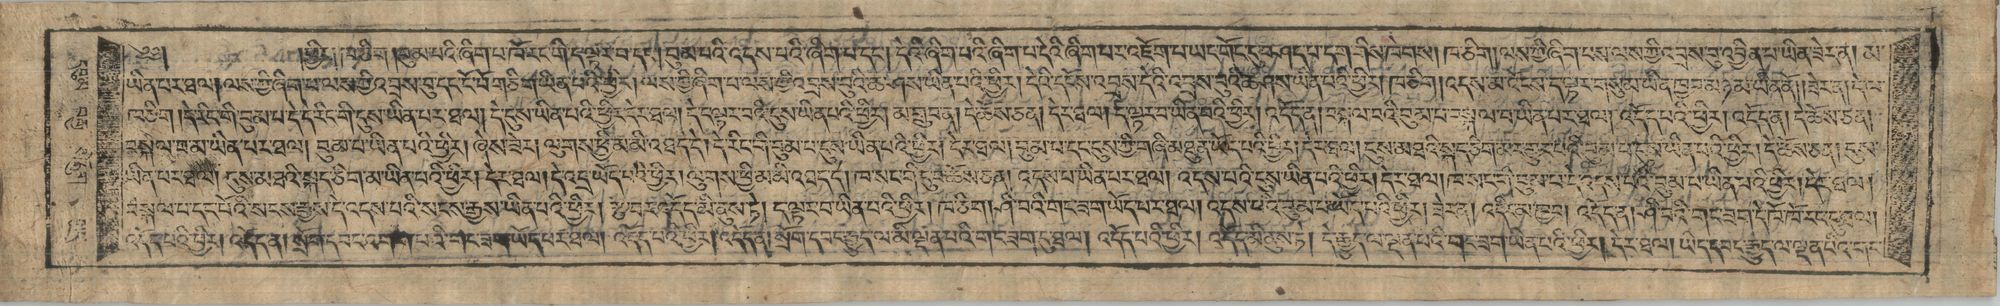༄༅། །ཕྱིར༑ ཁ་ཅིག །བུམ་པའི་ཞིག་པ་ཁོ་རང་གི་ད་ལྟར་བ་དང་། བུམ་པའི་འདས་པའི་ཞིག་པ་དང་། དེའི་ཞིག་པའི་ཞིག་པ་དེའི་ཞིག་པར་འཇོག་པ་ཡང་གོང་དུ་བཤད་པ་དག་གིས་ཁེགས། ཁ་ཅིག །ལས་ཀྱི་ཞིག་པས་ལས་ཀྱི་འབྲས་བུ་འབྱིན་པ་ཡིན་ཟེར་ན། མ་
ཡིན་པར་ཐལ། ལས་ཀྱི་ཞིག་པ་ལས་ཀྱི་འབྲས་བུ་དང་ངོ་བོ་གཅིག་ཡིན་པའི་ཕྱིར། ལས་ཀྱི་ཞིག་པ་ལས་ཀྱི་འབྲས་བུའི་ཆ་ཤས་ཡིན་པའི་ཕྱིར། དེའི་དངོས་འབྲས་དེའི་འབྲས་བུའི་ཆ་ཤས་ཡིན་པའི་ཕྱིར། ཁ་ཅིག །འདས་མ་འོངས་ད་ལྟར་གསུམ་ཡིན་ཁྱབ་མཉམ་ཡིན་ནོ། །ཟེར་ན། དེ་ལ་
ཁ་ཅིག །དེ་རིང་གི་བུམ་པ་དེ་དེ་རིང་གི་དུས་ཡིན་པར་ཐལ། དེ་དུས་ཡིན་པའི་ཕྱིར་དེར་ཐལ། དེ་ད་ལྟར་བའི་དུས་ཡིན་པའི་ཕྱིར། མ་གྲུབ་ན། དེ་ཆོས་ཅན། དེར་ཐལ། ད་ལྟར་བ་ཡིན་པའི་ཕྱིར། འདོད་ན། བསྐལ་བའི་བུམ་པ་བསྐལ་བ་ཡིན་པར་ཐལ། འདོད་པའི་ཕྱིར། འདོད་ན། དེ་ཆོས་ཅན།
བསྐལ་བ་མ་ཡིན་པར་ཐལ། བུམ་པ་ཡིན་པའི་ཕྱིར། ཞེས་ཟེར། ལུགས་ཕྱི་མ་མི་འཐད་དེ། དེ་རིང་གི་བུམ་པ་དུས་ཡིན་པའི་ཕྱིར། དེར་ཐལ། བུམ་པ་དང་དུས་ཀྱི་གཞི་མཐུན་ཡོད་པའི་ཕྱིར། དེར་ཐལ། དུས་མཐའི་སྐད་ཅིག་མར་གྱུར་པའི་བུམ་པ་དུས་ཡིན་པའི་ཕྱིར། དེ་ཆོས་ཅན། དུས་
ཡིན་པར་ཐལ། དུས་མཐའི་སྐད་ཅིག་མ་ཡིན་པའི་ཕྱིར། དེར་ཐལ། དེ་འདྲ་ཡོད་པའི་ཕྱིར། ལུགས་ཕྱི་མ་མི་འཐད་དེ། ཁ་སང་གི་དུ་བ་ཆོས་ཅན། འདས་པ་ཡིན་པར་ཐལ། འདས་པའི་དུས་ཡིན་པའི་ཕྱིར། དེར་ཐལ། ཁ་སང་གི་བུམ་པ་དེ་འདས་པའི་བུམ་པ་ཡིན་པའི་ཕྱིར། དེར་ཐལ།
བསྐལ་པ་དང་པོའི་སངས་རྒྱས་དེ་འདས་པའི་སངས་རྒྱས་ཡིན་པའི་ཕྱིར། རྩ་བར་འདོད་མི་ནུས་ཏེ། ད་ལྟར་བ་ཡིན་པའི་ཕྱིར། ཁ་ཅིག །ཤི་བའི་གང་ཟག་ཡོད་པར་ཐལ། འདས་པའི་བུམ་པ་ཡོད་པའི་ཕྱིར། ཟེར་ན། འདིར་མ་ཁྱབ། འདོད་ན། ཤི་བའི་གང་ཟག་དེ་ཁོ་ཁོ་རང་དུ་ཐལ།
འདོད་པའི་ཕྱིར། འདོད་ན། སྲོག་དབང་འགག་པའི་གང་ཟག་ཡོད་པར་ཐལ། འདོད་པའི་ཕྱིར། འདོད་ན། སྲོག་དབང་རྒྱུད་ལ་མི་ལྡན་པའི་གང་ཟག་དུ་ཐལ། འདོད་པའི་ཕྱིར། འདོད་མི་ནུས་ཏེ། དེ་རྒྱུད་ལ་ལྡན་པའི་གང་ཟག་ཡིན་པའི་ཕྱིར། དེར་ཐལ། ཡིད་དབང་རྒྱུད་ལ་ལྡན་པའི་གང་